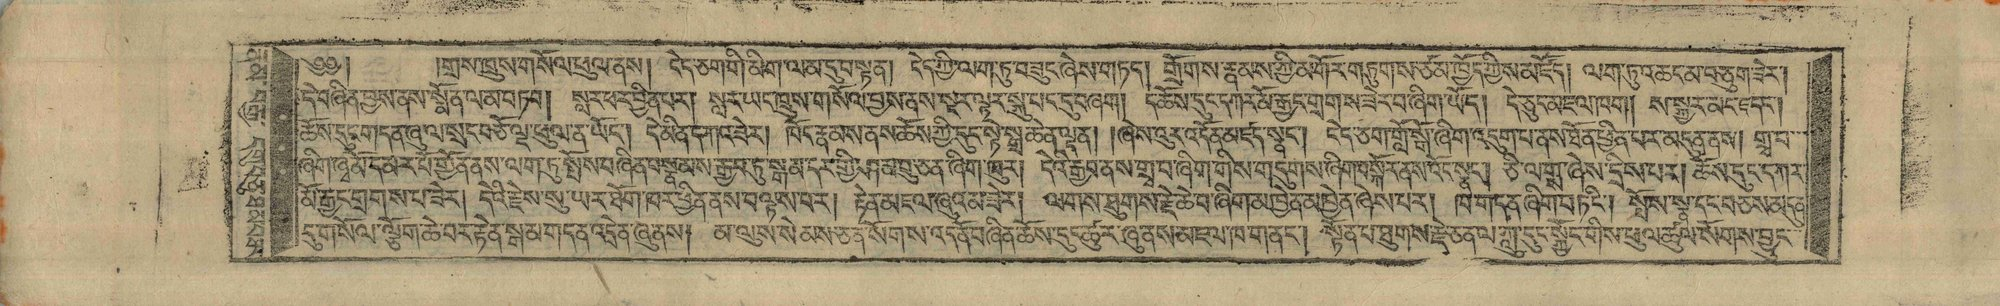༄༅། །གྲས་ཁྲུས་གསོལ་ཕུལ་ནས། ངེད་ཅག་གི་མིག་ལམ་དུ་བསྟན། ངེད་ཀྱི་ལག་ཏུ་བཟུང་ཞེས་གཏད། གྲོགས་རྣམས་ཀྱི་མགོར་གཏུགས་ཙམ་ཁྱོད་ཀྱིས་མཛོད། ལག་ཏུ་འཆང་མ་བཅུག་ཟེར།
དེ་བཞིན་བྱས་ནས་སྨོན་ལམ་བཏབ། སླར་ཕར་བྱིན་པར། སླར་ཡང་ཁྲུས་གསོལ་བྱས་ནས་སྔར་ལྟར་སྐུ་པང་དུ་བཞག །ད་ཆོས་དུང་དཀར་མོ་རྒྱང་གྲགས་ཟེར་བ་ཞིག་ཡོད། དེ་ཅུང་མཇལ་ཁག །ས་སྐྱར་མང་ཇ་དང་།
ཆོས་དུང་གདན་ཞུ་ལ་སྲང་བཅོ་ལྔ་ཕུལ་ན་ཡོང་། དེ་མིན་དཀའ་ཟེར། ཁོང་རྣམས་ནས་ཆོས་ཀྱི་དུང་སྟེ་སྒྲ་ཆེན་ལྡན། །ཞེས་འུར་འདོན་མཛད་སྣང་། ངེད་ཅག་གློ་སྒོ་ཞིག་འདུག་པ་ནས་ཐོན་ཕྱིན་པར་མདུན་ནས། གྲྭ་བ་
ཞིག་ཞྭ་མོ་དམར་པོ་གྱོན་ནས་ལག་ཏུ་སྤོས་བཞིན་བསྣམས་རྒྱབ་ཏུ་སྒམ་དར་གྱི་ཤམ་བུ་ཅན་ཞིག་ཁུར། དེའི་རྒྱབ་ནས་གྲྭ་བ་ཞིག་གིས་གདུགས་ཞིག་བསྐོར་ནས་འོང་སྣང་། ཅི་ལགས་ཞེས་དྲིས་པར། ཆོས་དུང་དཀར་
མོ་རྒྱང་གྲགས་པ་ཟེར། དེའི་རྗེས་སུ་ཡར་ཐོག་ཁར་ཕྱིན་ནས་བལྟས་པར། རྟེན་མཇལ་ཞུའམ་ཟེར། ལགས་ཐུགས་རྗེ་ཆེ་བ་ཞིག་མཁྱེན་མཁྱེན་ཞེས་པར། ཁ་གདན་ཞིག་བཏིང་། སྤོས་སྣ་དང་བཅས་མདུན་
དུ་གསོལ་ལྕོག་ཆེ་བར་རྟེན་སྒམ་གདན་འདྲེན་ཞུ་ནས། མ་ལུས་སེམས་ཅན་སོགས་འདོན་བཞིན་ཆོས་དུང་ཚུར་ཞུ་ནས་མཇལ་ཁ་གནང་། སྟོན་པ་ཐུགས་རྗེ་ཅན་ལ་ཀླུ་དུང་སྐྱོང་གིས་ཕུལ་ཚུལ་སོགས་བྱུང་